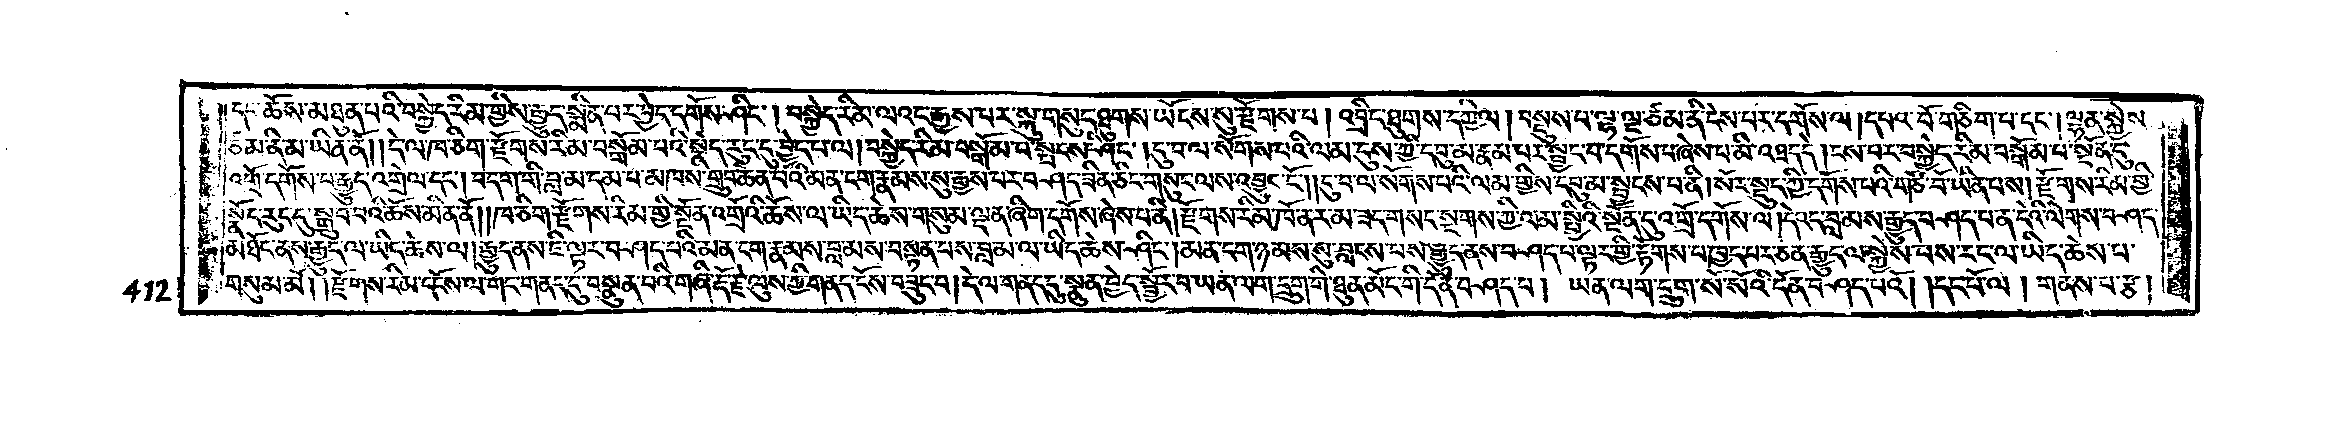དང་ཆོས་མཐུན་པའི་བསྐྱེད་རིམ་གྱིས་རྒྱུད་སྨིན་པར་བྱེད་དགོས་ཤིང་། བསྐྱེད་རིམ་ལའང་རྒྱས་པར་སྐུ་གསུང་ཐུགས་ཡོངས་སུ་རྫོགས་པ། འབྲིང་ཐུགས་དཀྱིལ། བསྡུས་པ་ལྷ་ལྔ་ཙམ་ནི་ངེས་པར་དགོས་ལ། དཔའ་བོ་གཅིག་པ་དང་། ལྷན་སྐྱེས་
ཙམ་ནི་མ་ཡིན་ནོ། །དེ་ལ་ཁ་ཅིག་རྫོགས་རིམ་བསྒོམ་པའི་སྣོད་རུང་དུ་བྱེད་པ་ལ། བསྐྱེད་རིམ་བསྒོམ་པ་སྤངས་ཤིང་། དུ་བ་ལ་སོགས་པའི་ལམ་དུས་ཀྱི་དབུ་མ་རྣམ་པར་སྦྱང་བ་དགོས་པ་ཞེས་པ་མི་འཐད་དེ། ངེས་པར་བསྐྱེད་རིམ་བསྒོམ་པ་སྔོན་དུ་
འགྲོ་དགོས་པ་རྒྱུད་འགྲེལ་དང་། བདག་གི་བླ་མ་དམ་པ་མཁས་གྲུབ་ཆེན་པོའི་མན་ངག་རྣམས་སུ་རྒྱས་པར་བཤད་ཟིན་ཅིང་གསུང་ལས་འབྱུང་ངོ། །དུ་བ་ལ་སོགས་པའི་ལམ་གྱིས་དབུ་མ་སྦྱངས་པ་ནི། སོར་སྡུད་ཀྱི་དགོས་པའི་གཙོ་བོ་ཡིན་པས། རྫོགས་རིམ་གྱི་
སྣོད་རུང་དུ་སྒྲུབ་པའི་ཆོས་མིན་ནོ། །ཁ་ཅིག་རྫོགས་རིམ་གྱི་སྔོན་འགྲོའི་ཆོས་ལ་ཡིད་ཆེས་གསུམ་ལྡན་ཞིག་དགོས་ཞེས་པ་ནི། རྫོགས་རིམ་ཁོ་ནར་མ་ཟད་གསང་སྔགས་ཀྱི་ལམ་སྤྱིའི་སྔོན་དུ་འགྲོ་དགོས་ལ། དེའང་བླ་མས་རྒྱུད་བཤད་པ་ན་དེའི་ལེགས་བཤད་
མཐོང་ནས་རྒྱུད་ལ་ཡིད་ཆེས་ལ། རྒྱུད་ནས་ཇི་ལྟར་བཤད་པའི་མན་ངག་རྣམས་བླ་མས་བསྟན་པས་བླ་མ་ལ་ཡིད་ཆེས་ཤིང་། མན་ངག་ཉམས་སུ་བླངས་པས་རྒྱུད་ནས་བཤད་པ་ལྟར་གྱི་རྟོགས་པ་ཁྱད་པར་ཅན་རྒྱུད་ལ་སྐྱེས་པས་རང་ལ་ཡིད་ཆེས་པ་
གསུམ་མོ། །རྫོགས་རིམ་དངོས་ལ་གང་གནད་དུ་བསྣུན་པའི་གཞི་རྡོ་རྗེ་ལུས་ཀྱི་གནད་ངོས་བཟུང་བ། དེ་ལ་གནད་དུ་སྣུན་བྱེད་སྦྱོར་བ་ཡན་ལག་དྲུག་གི་ཐུན་མོང་གི་དོན་བཤད་པ། ཡན་ལག་དྲུག་སོ་སོའི་དོན་བཤད་པའོ། །དང་པོ་ལ། གནས་པ་རྩ།